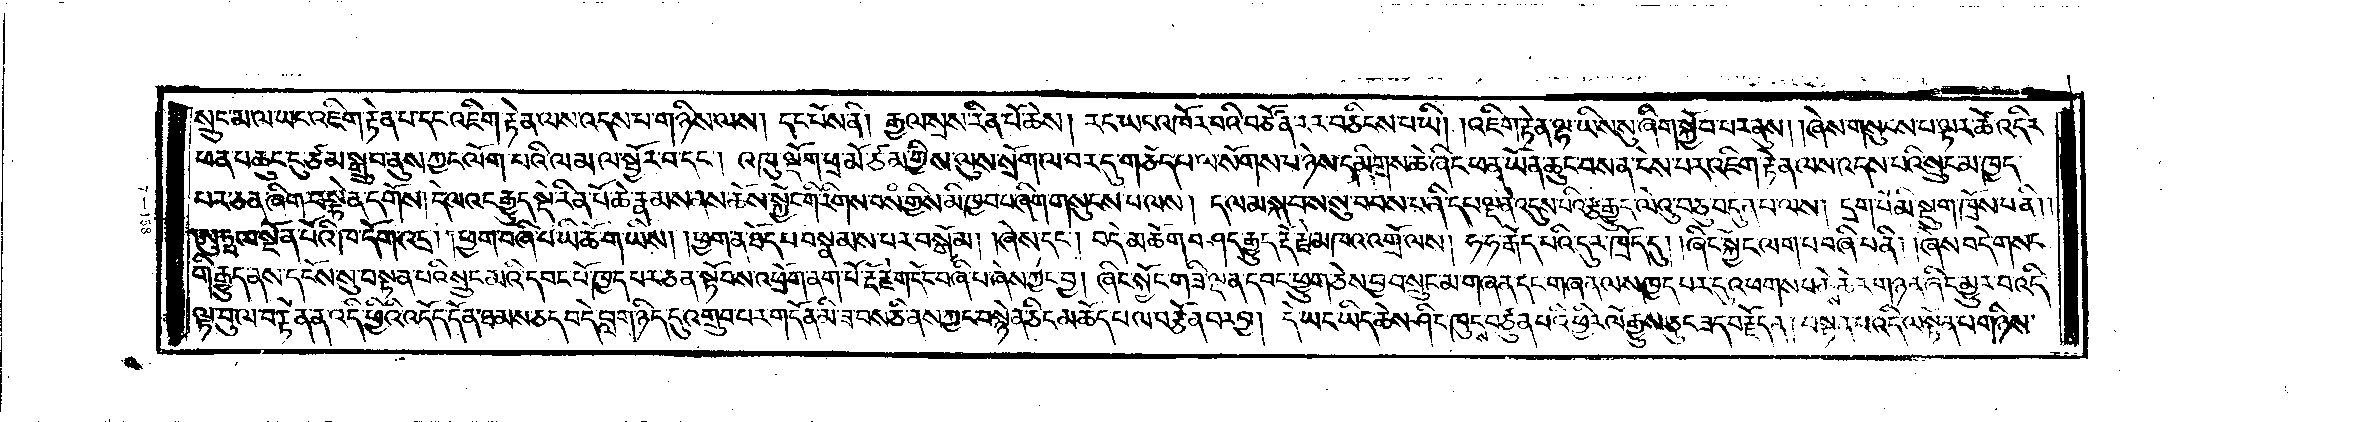སྲུང་མ་ལ་ཡང་འཇིག་རྟེན་བ་དང་འཇིག་རྟེན་ལས་འདས་པ་གཉིས་ལས། དང་པོས་ནི། རྒྱལ་སྲས་རིན་པོ་ཆེས། རང་ཡང་འཁོར་བའི་བཙོན་རར་བཅིངས་པ་ཡི། །འཇིག་རྟེན་ལྷ་ཡིས་སུ་ཞིག་སྐྱོབ་པར་བཞུག། །??  ལྟར་ཚེ་འདིར་
ཕན་པ་ཆུང་དུ་ཙམ་སྒྲུབ་ནུས་ཀྱང་ལོག་པའི་ལམ་ལ་སྦྱོར་བ་དང་། འཁུ་ལྡོག་ཕྲ་མོ་ཙམ་གྱིས་ལུས་སྲོག་ལ་བར་དུ་གཅོད་པ་ལ་སོགས་པ་ཉེས་དམིགས་ཆེ་ཞིང་ཕན་ཡོན་ཆུང་བས་ན་ངེས་ཕར་འཇིག་རྟེན་ལས་འདས་པའི་སྲུང་མ་ཁྱད་
པར་ཅན་ཞིག་བསྟེན་དགོས། དེ་ལའང་རྒྱུད་སྡེ་རིན་པོ་ཆེ་རྣམས་ནས་ཆོས་སྐྱོང་གི་རིགས་བསཾ་གྱིས་མི་ཁྱབ་པ་ཞིག་གསུངས་པ་ལས། ད་ལམ་སྐབས་སུ་བབས་པ་ནི་དང་ལྡན་འདུས་པའི་རྩ་རྒྱུད་ལེའུ་བཅུ་བདུན་པ་ལས། དྲག་བོ་མི་སྡུག་ཁྲོས་པ་ནི།།
ཨུཏྤལ་སྔོན་པོའི་ཁ་དོག་འདྲ། །ཕྱག་བཞི་པ་ཡི་ཆོ་ག་ཡིས། །ཕྱག་ན་ཐོད་པ་བསྣམས་པར་བསྒོམ། །ཞེས་དང་། བདེ་མཆོག་བཤད་རྒྱུད་རྡོ་རྗེ་མཁའ་འགྲོ་ལས། ཧ་ཧ་རྒོད་པའི་དུར་ཁྲོད་དུ། །ཞིང་སྐྱོང་ལག་པ་བཞི་པ་ནི། །ཞེས་བདེ་གསང་
གི་རྒྱུད་ནས་དངོས་སུ་བསྟན་པའི་སྲུང་མའི་དབང་པོ་ཁྱད་པར་ཅན་སྟོབས་འཕྲོག་ནག་པོ་རྡོ་རྗེ་གདོང་བཞི་པ་ཞེས་ཀྱང་བྱ། ཞིང་སྐྱོང་གཟི་ལྡན་དབང་ཕྱུག་ཅེས་བྱ་བསྲུང་མ་གཞན་དང་གཞན་ལས་ཁྱད་པར་དུ་འཕགས་པ་ཆེས་ཆར་གཉན་ཞིང་མྱུར་བ་འདི་
ལྟ་བུ་ལ་བརྟེན་ན་འདི་ཕྱིའི་འདོད་དོན་ཐམས་ཅད་བདེ་བླག་ཉིད་དུ་འགྲུབ་བར་གདོན་མི་ཟ་བས་ཅི་ནས་ཀྱང་བསྙེན་ཅིང་མཆོད་པ་ལ་བརྩོན་པར་བྱ། དེ་ཡང་ཡིད་ཆེས་ཤིང་ཁུངས་བཙུན་པའི་ཕྱིར་ལོ་རྒྱུས་ཅུང་ཟད་བརྗོད་ན། བསྟན་པ་འདི་ལ་སྟོན་པ་གཉིས་